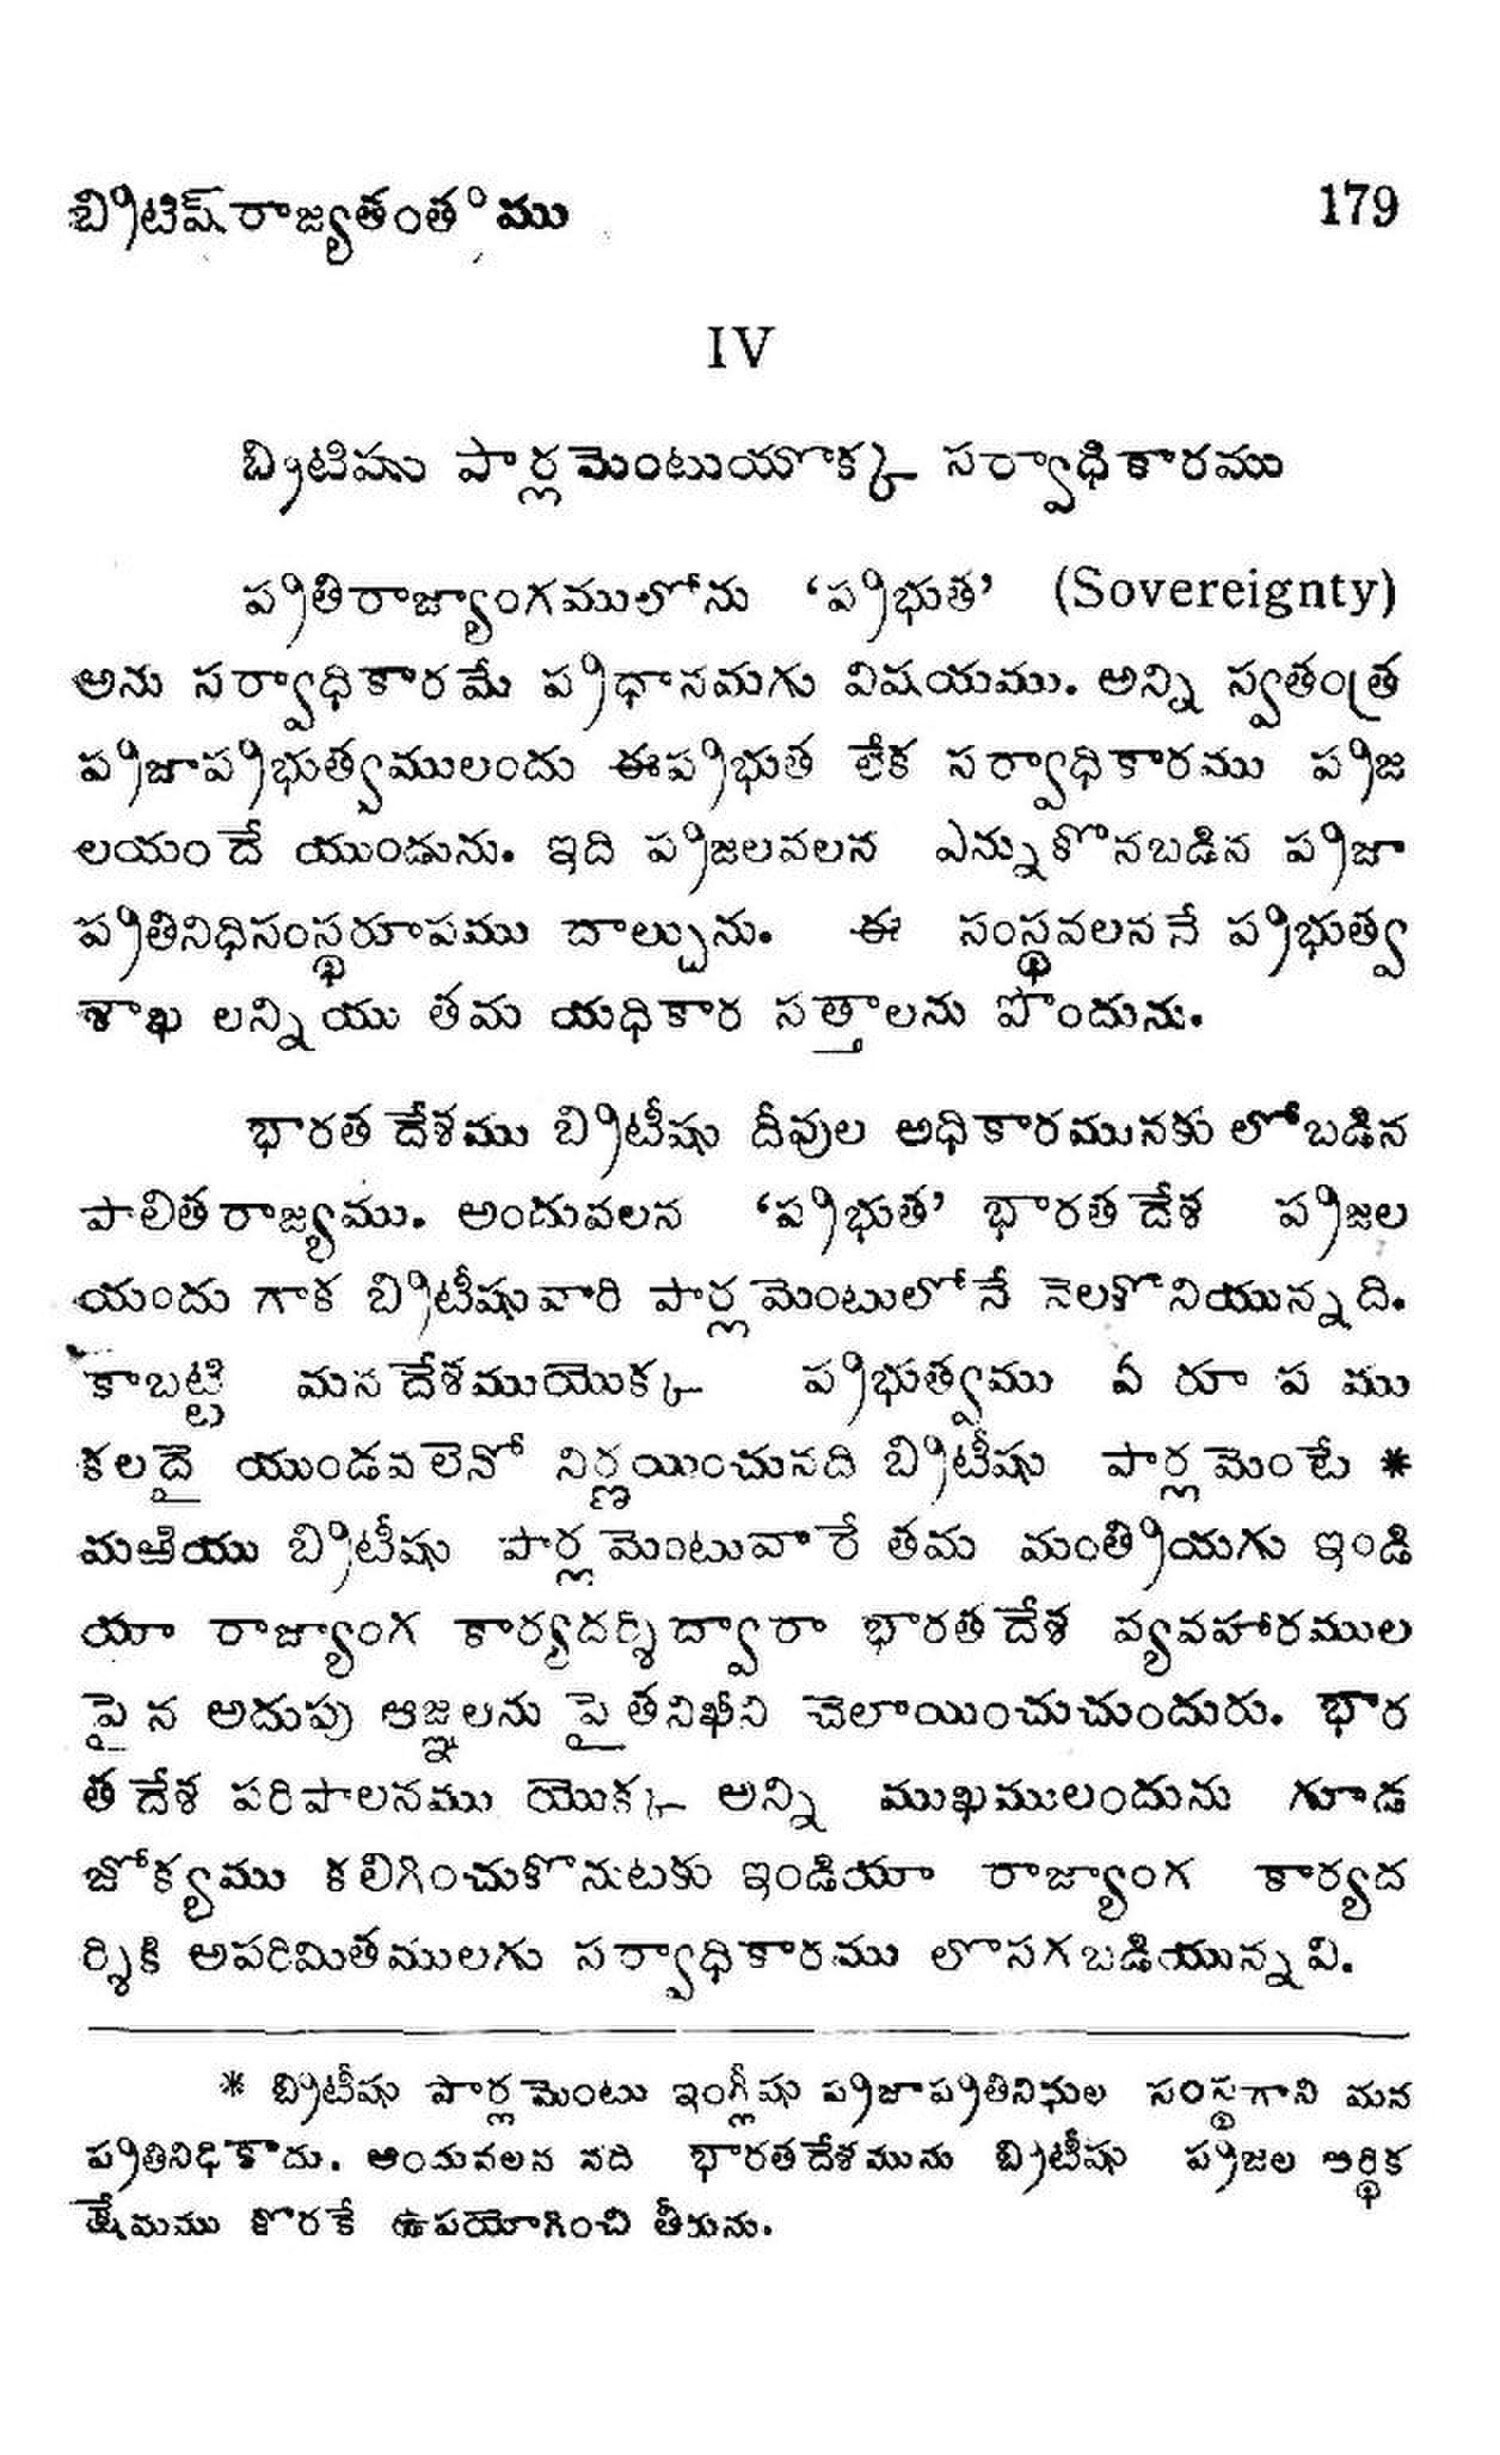IV
బ్రిటిషు పార్లమెంటుయొక్క సర్వాధికారము

ప్రతిరాజ్యాంగములోను 'ప్రభుత' (Sovereignty) అను సర్వాధికారమే ప్రధానమగు విషయము. అన్ని స్వతంత్ర ప్రజాప్రభుత్వములందు ఈప్రభుత లేక సర్వాధికారము ప్రజలయందే యుండును. ఇది ప్రజలవలన ఎన్నుకొనబడిన ప్రజాప్రతినిధిసంస్థరూపము దాల్చును. ఈ సంస్థవలననే ప్రభుత్వశాఖ లన్నియు తమ యధికార సత్తాలను పొందును.

భారతదేశము బ్రిటీషు దీవుల అధికారమునకు లోబడిన పాలితరాజ్యము. అందువలన 'ప్రభుత' భారతదేశ ప్రజలయందు గాక బ్రిటీషువారి పార్లమెంటులోనే నెలకొనియున్నది. కాబట్టి మనదేశముయొక్క ప్రభుత్వము ఏ రూపముకలదై యుండవలెనో నిర్ణయించునది బ్రిటీషు పార్లమెంటే మఱియు బ్రిటీషు పార్లమెంటువారే తమ మంత్రియగు ఇండియా రాజ్యాంగ కార్యదర్శిద్వారా భారతదేశ వ్యవహారముల పైన అదుపు ఆజ్ఞలను పైతనిఖీని చెలాయించుచుందురు. భారతదేశ పరిపాలనము యొక్క అన్ని ముఖములందును గూడ జోక్యము కలిగించుకొనుటకు ఇండియా రాజ్యాంగ కార్యదర్శికి అపరిమితములగు సర్వాధికారము లొసగబడియున్నవి.